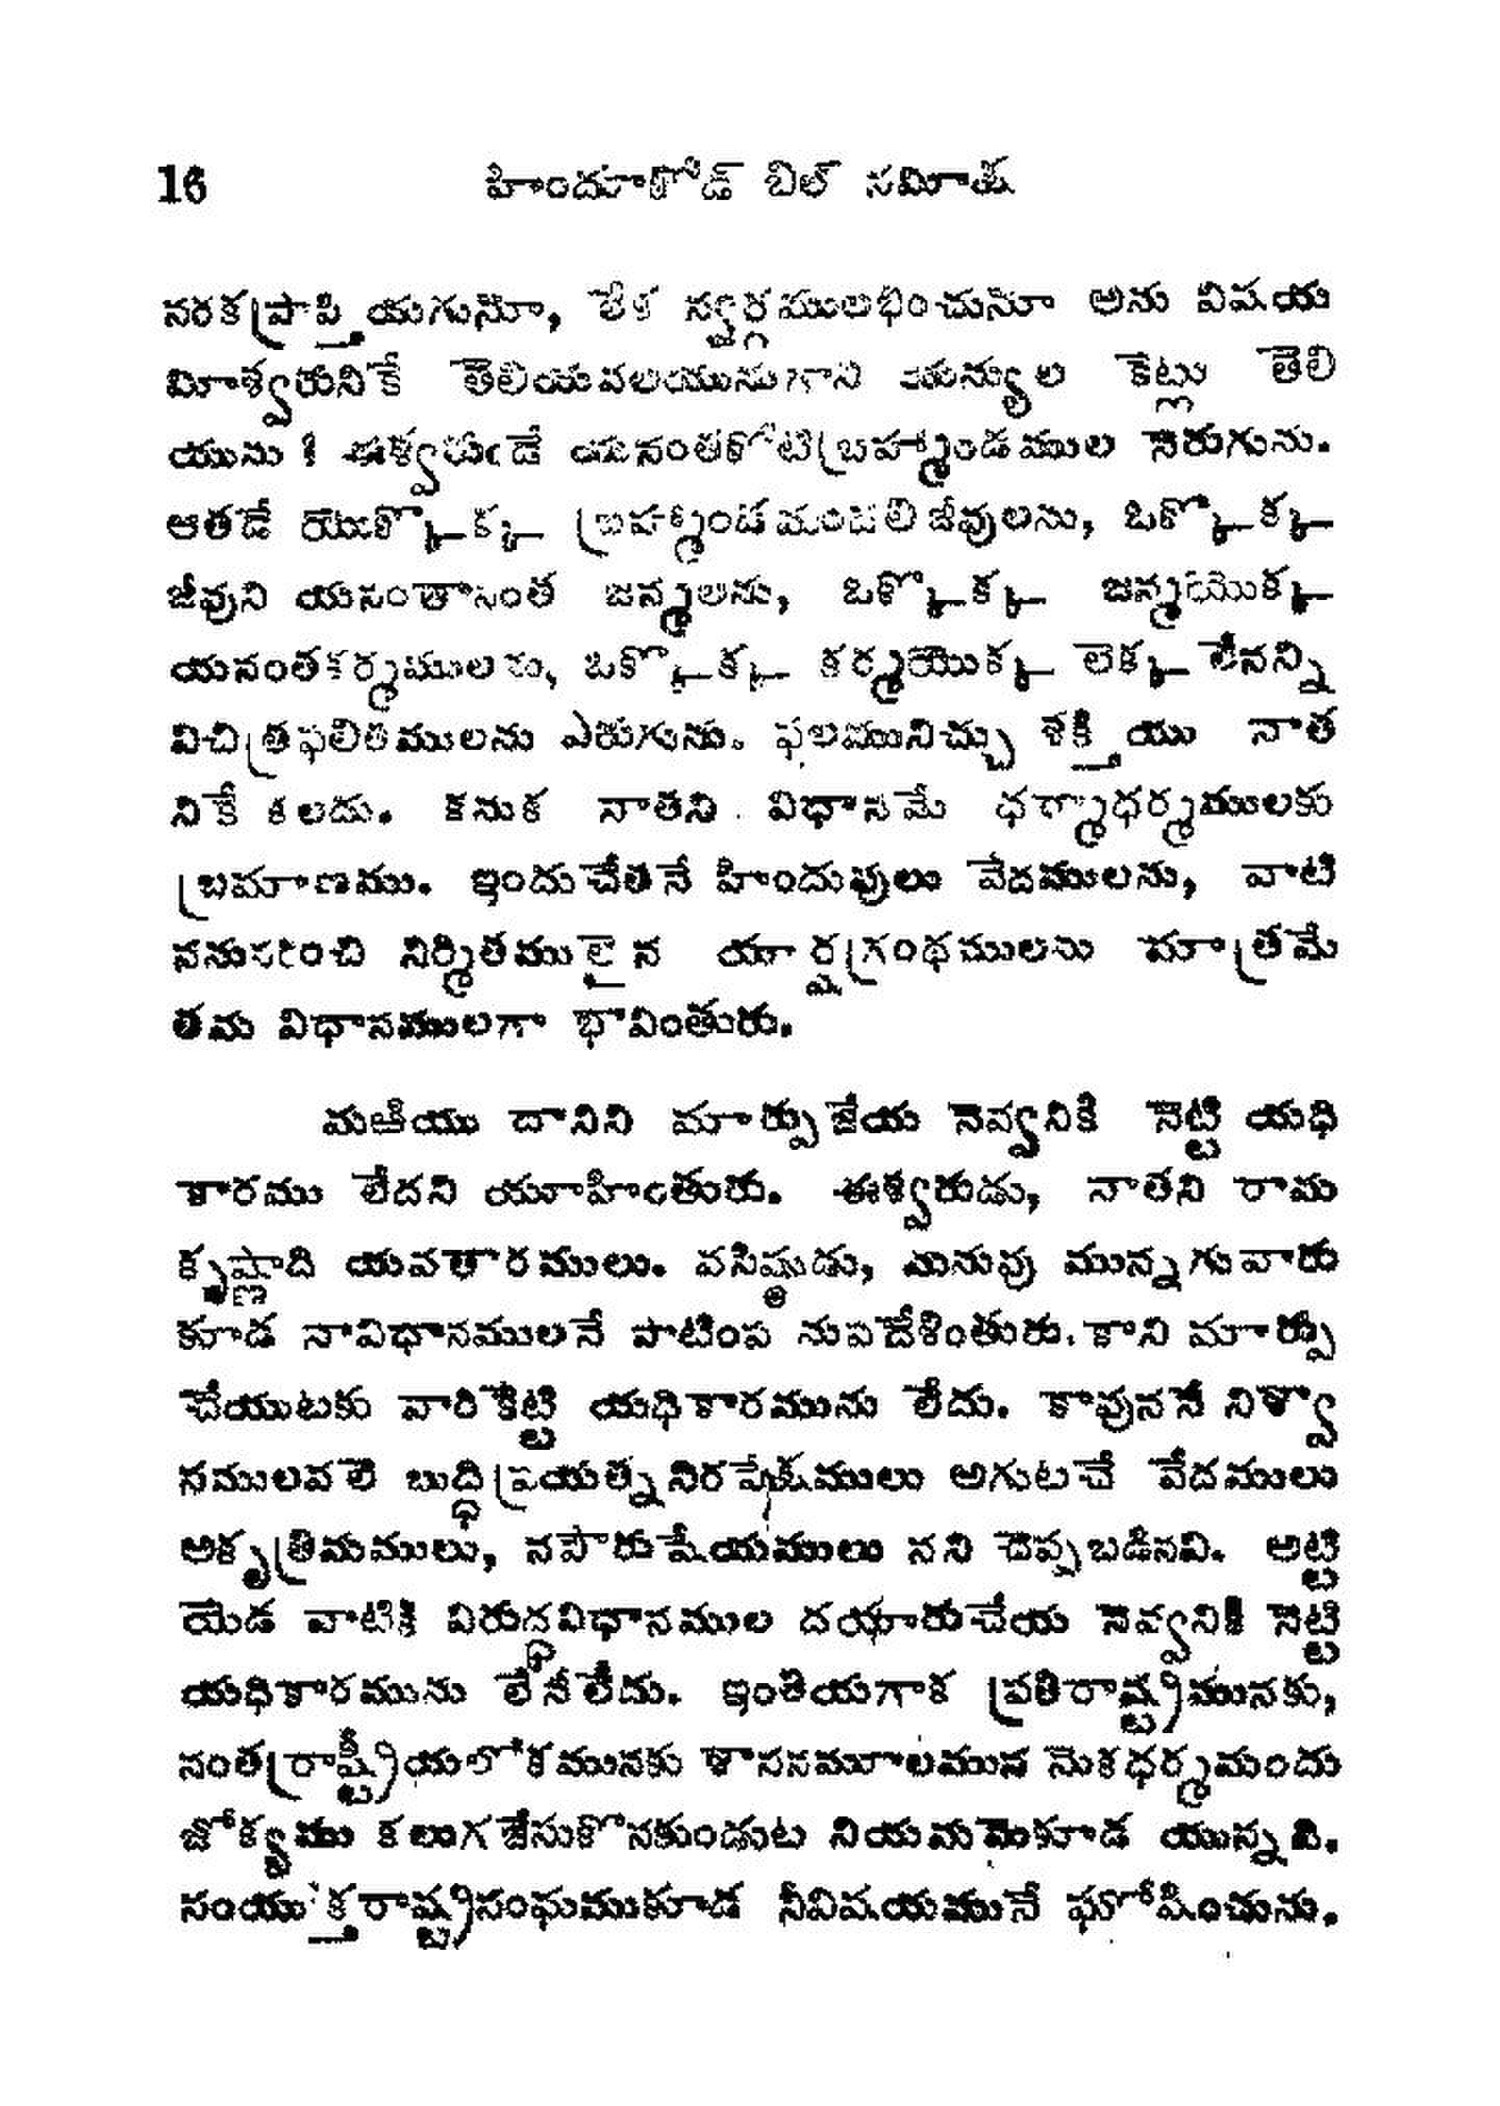నరకప్రాప్తి యగునో , లేక స్వర్గము లభించునో అను విషయ
మీశ్వరునికే తెలియవలయునుగాని యన్యుల కేట్లు తెలి
యును? ఈశ్వరుఁడే యనంతకోటి బ్రహ్మాండముల నెరుగును.
ఆతడే యొక్కొక్క బ్రహ్మాండ మందలి జీవులను, ఒక్కొక్క
జీవుని యనంతానంత జన్మలను, ఒక్కొక్క జన్మ యొక్క
యనంతకర్మములను , ఒక్కొక్క కర్మయొక్క లెక్క లేనన్ని
విచిత్రఫలితములను ఎరుగును. ఫలమునిచ్చు శక్తియు నాతనికే 
కలదు. కనుక నాతని విధానమే ధర్మాధర్మములకు
బ్రమాణము. ఇందు చేతనే హిందువులు వేదములను, వాటి
ననుసరించి నిర్మితములైన యార్షగ్రంథములను మాత్రమే
తమ విధానములగా భావింతురు.

మఱియు దానిని మార్పు జేయ నెవ్వనికి పెట్టి యధికారము 
లేదని యూహింతురు. ఈశ్వరుడు, నాతని రామకృష్ణాది 
యవతారములు. వసిష్ఠుడు, మనువు మున్నగువారు
కూడ నావిధానములనే పాటింప నుపదేశింతురు. కాని మార్పు
చేయుటకు వారికెట్టి యధికారమును లేదు. కావుననే నిశ్వాసములవలె 
బుద్ధిప్రయత్ననిరపేక్షములు అగుటచే వేదములు
అకృత్రిమములు, నపౌరుషేయములు నని చెప్పబడినవి.
యెడ వాటికి విరుద్ధ విధానముల దయారుచేయ నెవ్వనికి నెట్టి
యధికారమును లేనేలేదు. ఇంతియగాక ప్రతి రాష్ట్రమునకు,
నంతర్రాష్ట్రీయలోకమునకు శాసనమూలమున నొ కధర్మమందు
జోక్యము కలుగ జేసుకొనకుండుట నియమమైకూడ యున్నవి.
సంయుక్త రాష్ట్ర సంఘముకూడ నీవిషయమునే ఘోషించును.